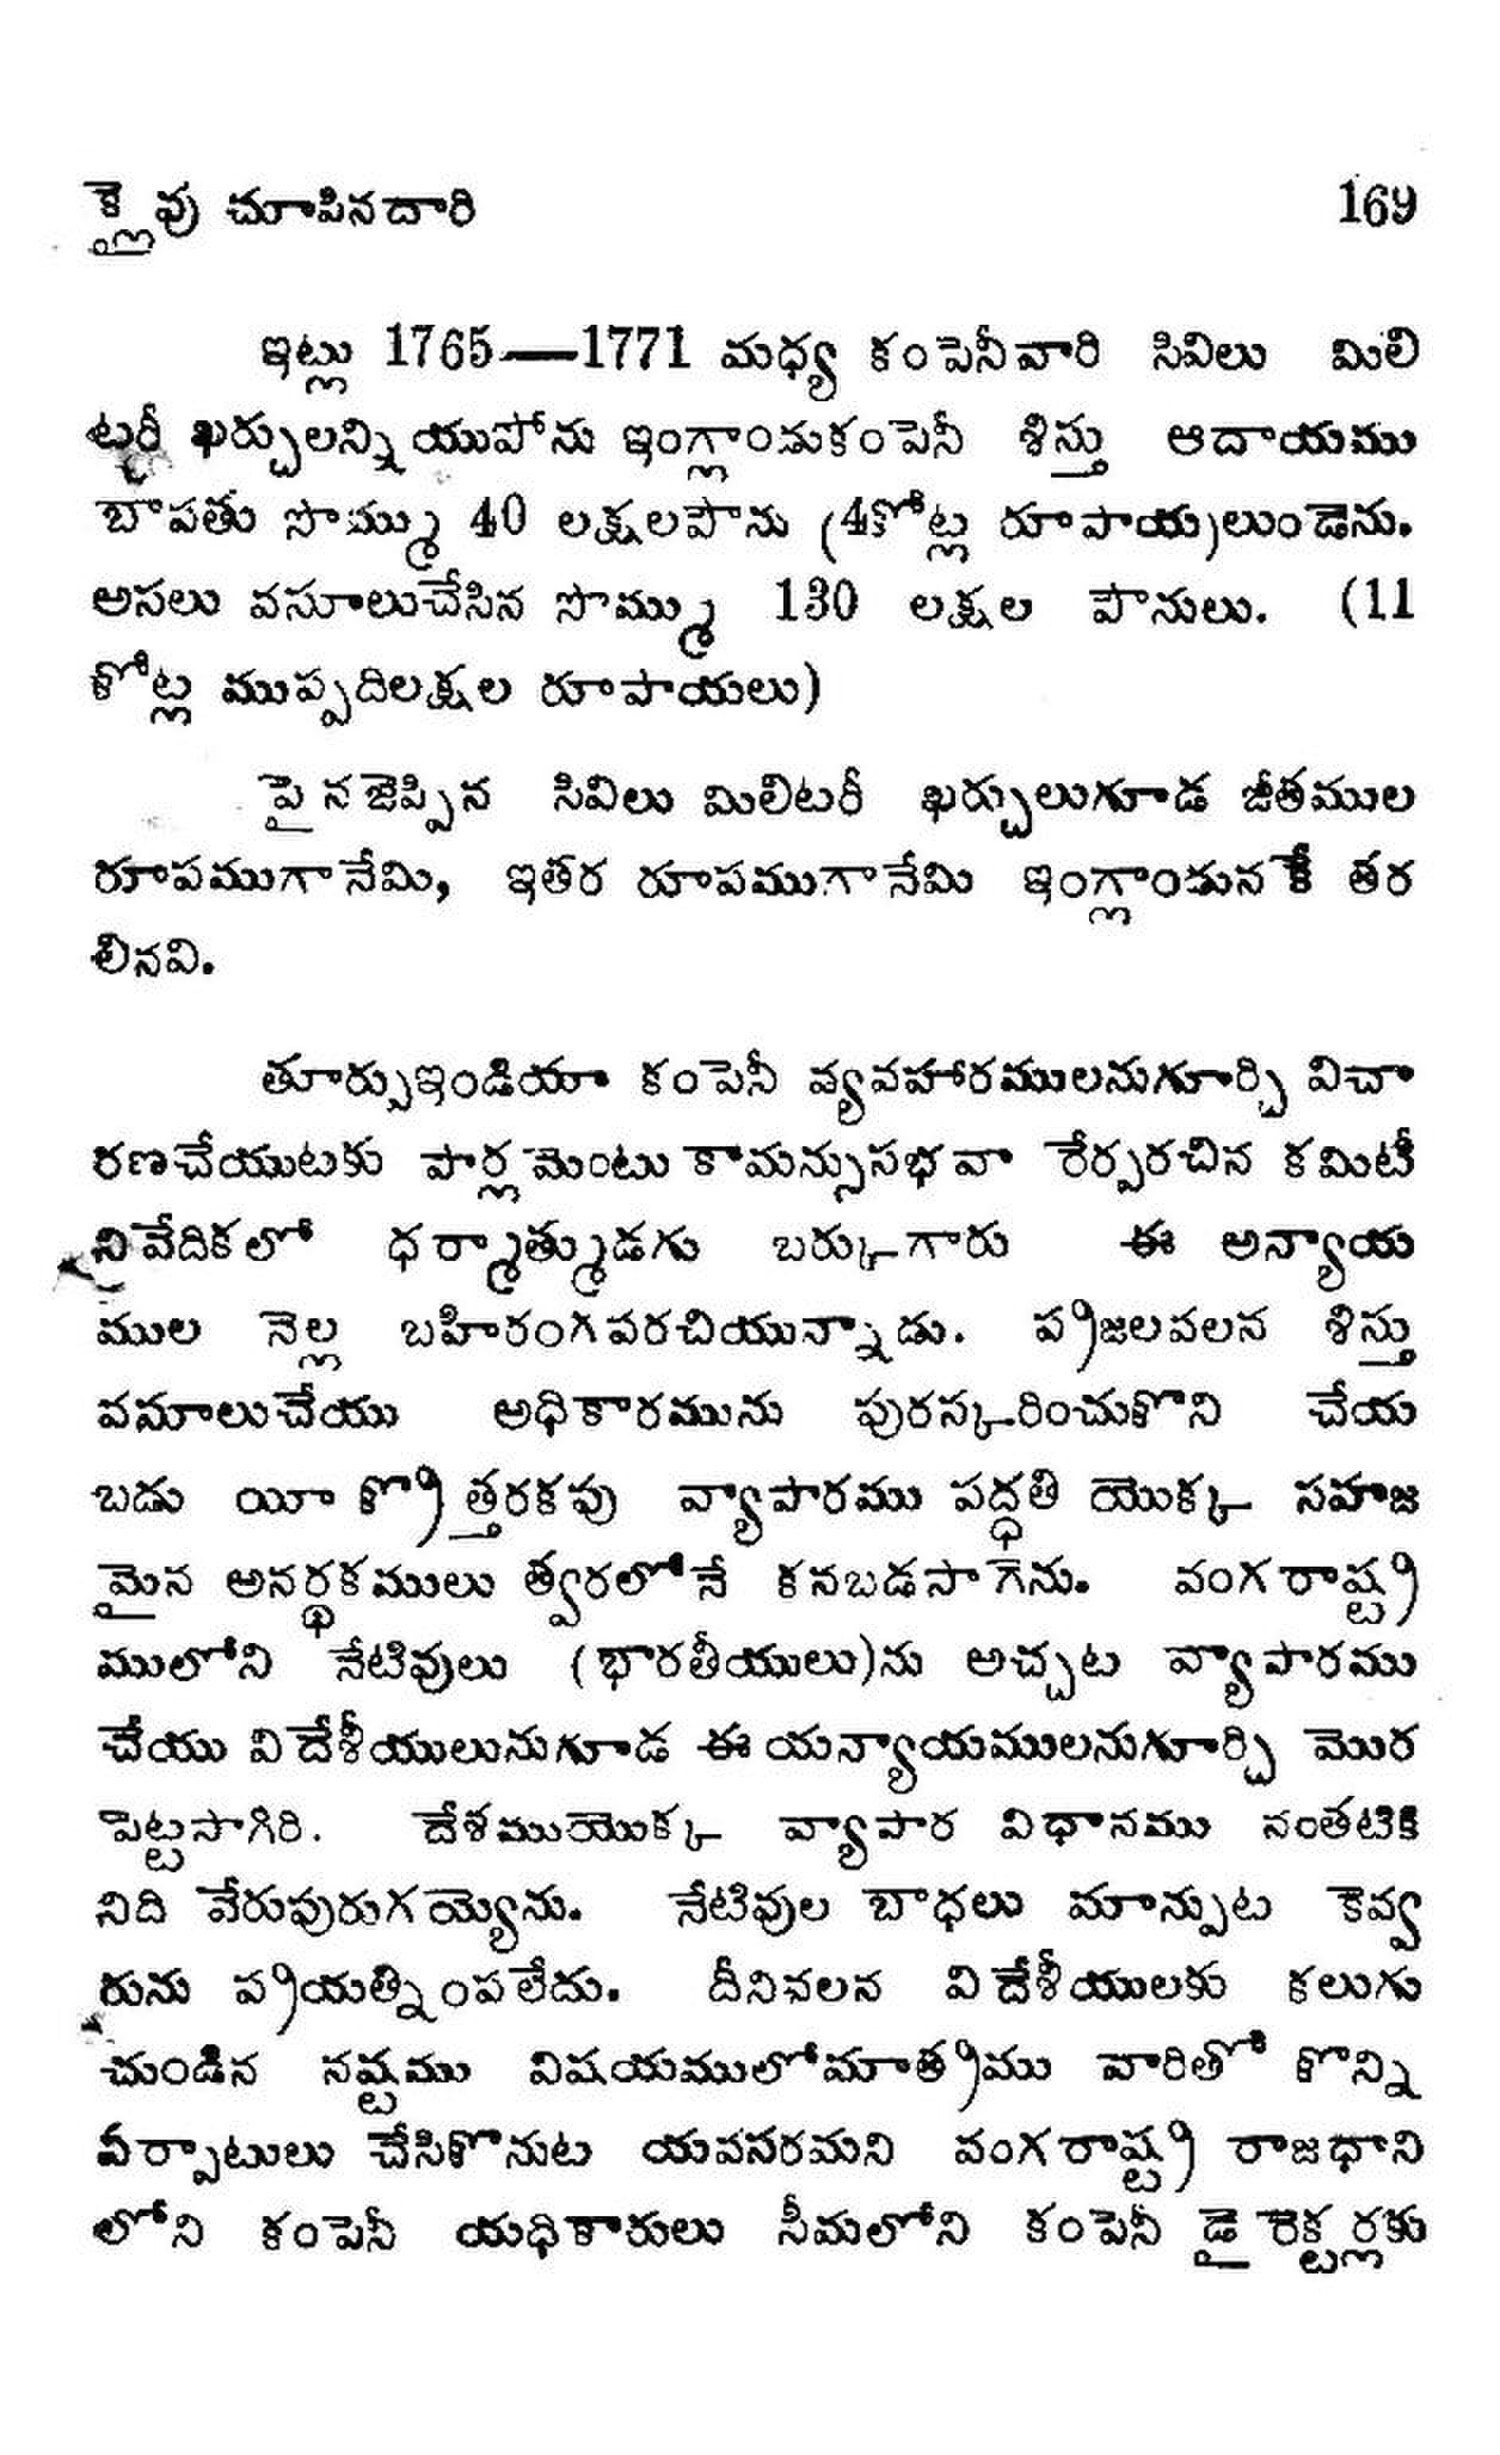ఇట్లు 1765 – 1771 మధ్య కంపెనీవారి సివిలు మిలిటరీ ఖర్చులన్నియుపోను ఇంగ్లాండుకంపెనీ శిస్తు ఆదాయము బాపతు సొమ్ము 40 లక్షలపౌను (4కోట్ల రూపాయ)లుండెను. అసలు వసూలుచేసిన సొమ్ము 130 లక్షల పౌనులు. (11 కోట్ల ముప్పదిలక్షల రూపాయలు)

పైనజెప్పిన సివిలు మిలిటరీ ఖర్చులుగూడ జీతముల రూపముగానేమి, ఇతర రూపముగానేమి ఇంగ్లాండునకే తరలినవి.

తూర్చుఇండియా కంపెనీ వ్యవహారములనుగూర్చి విచారణచేయుటకు పార్లమెంటు కామన్సుసభవా రేర్పరచిన కమిటీ నివేదికలో ధర్మాత్ముడగు బర్కుగారు ఈ అన్యాయముల నెల్ల బహిరంగపరచియున్నాడు. ప్రజలవలన శిస్తు వసూలుచేయు అధికారమును పురస్కరించుకొని చేయబడు యీ క్రొత్తరకపు వ్యాపారము పద్ధతి యొక్క సహజమైన అనర్థకములు త్వరలోనే కనబడసాగెను. వంగరాష్ట్రములోని నేటివులు (భారతీయులు)ను అచ్చట వ్యాపారము చేయు విదేశీయులునుగూడ ఈ యన్యాయములనుగూర్చి మొరపెట్టసాగిరి. దేశముయొక్క వ్యాపార విధానము నంతటికి నిది వేరుపురుగయ్యెను. నేటివుల బాధలు మాన్పుట కెవ్వరును ప్రయత్నింపలేదు. దీనివలన విదేశీయులకు కలుగు చుండిన నష్టము విషయములోమాత్రము వారితో కొన్ని ఏర్పాటులు చేసికొనుట యవసరమని వంగరాష్ట్ర రాజధానిలోని కంపెనీ యధికారులు సీమలోని కంపెనీ డైరెక్టర్లకు